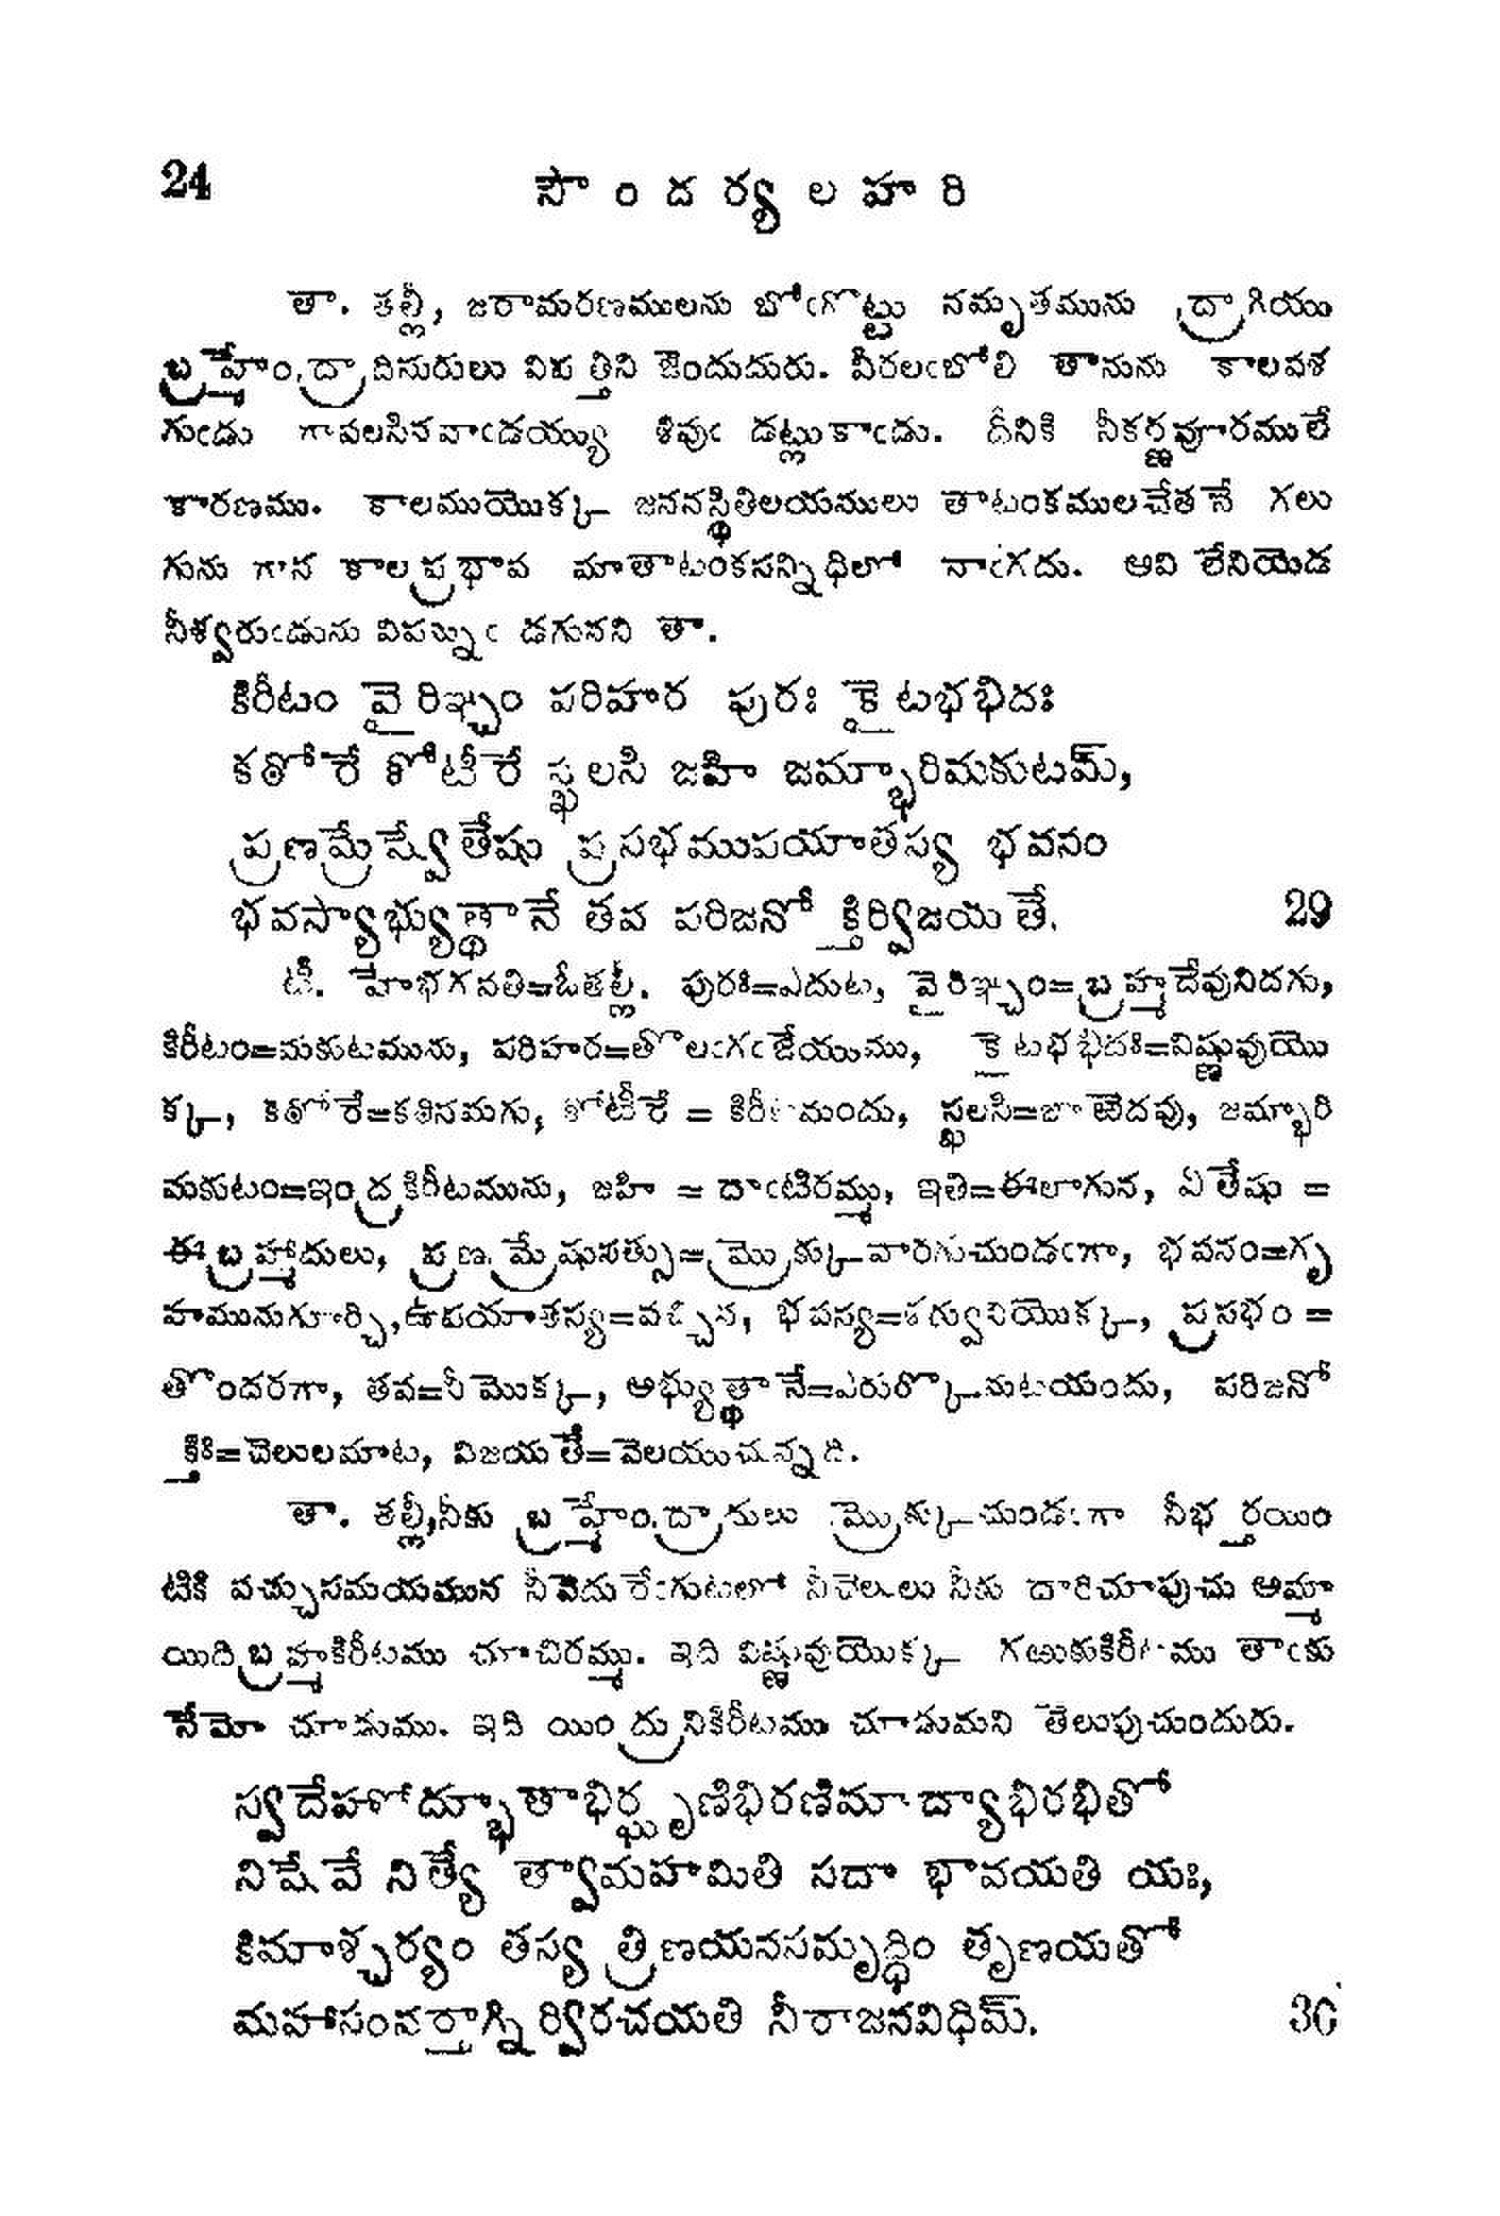తా. తల్లీ, జరామరణములను బోఁగొట్టు నమృతమును ద్రాగియు బ్రహ్మేంద్రాదిసురులు విపత్తిని జెందుదురు. వీరలఁబోలి తానును కాలవశగుఁడు గావలసినవాఁడయ్యు శివుఁ డట్లుకాఁడు. దీనికి నీకర్ణపూరములే కారణము. కాలముయొక్క జననస్థితిలయములు తాటంకములచేతనే గలుగును గాన కాలప్రభావ మాతాటంకసన్నిధిలో నాఁగదు. అవి లేనియెడ నీశ్వరుఁడును విపన్నుఁ డగునని తా.

కిరీటం వైరిఞ్చం పరిహర పురః కైటభభిదః
కఠోరే కోటీరే స్ఖలసి జహి జమ్భారిమకుటమ్,
ప్రణమ్రేష్వేతేషు ప్రసభముపయాతస్య భవనం
భవస్యాభ్యుత్థానే తవ పరిజనో క్తిర్విజయతే. 29
టీ. హేభగవతి = ఓతల్లీ, పురః = ఎదుట, వైరిఞ్చం = బ్రహ్మదేవునిదగు, కిరీటం = మకుటమును, పరిహర = తొలఁగఁజేయుము, కైటభభిదః = విష్ణువుయొక్క, కఠోరే = కఠినమగు, కోటీరే = కిరీటమందు, స్ఖలసి = జాఱెదవు, జమ్భారిమకుటం = ఇంద్రకిరీటమును, జహి = దాఁటిరమ్ము, ఇతి = ఈలాగున, ఏతేషు = ఈబ్రహ్మాదులు, ప్రణమ్రేషుసత్సు = మ్రొక్కువారగుచుండఁగా, భవనం = గృహమునుగూర్చి, ఉపయాతస్య = వచ్చిన, భవస్య = శర్వునియొక్క, ప్రసభం = తొందరగా, తవ = నీయొక్క, అభ్యుత్థానే = ఎరుర్కొనుటయందు, పరిజనోక్తిః = చెలులమాట, విజయతే = వెలయుచున్నది.

తా. తల్లీ, నీకు బ్రహ్మేంద్రాదులు మ్రొక్కుచుండఁగా నీభర్తయింటికి వచ్చుసమయమున నీవెదురేఁగుటలో నీచెలులు నీకు దారిచూపుచు అమ్మా యిదిబ్రహ్మకిరీటము చూచిరమ్ము. ఇది విష్ణువుయొక్క గఱుకుకిరీటము తాఁకునేమో చూడుము. ఇది యింద్రునికిరీటము చూడుమని తెలుపుచుందురు.

స్వదేహోద్భూతాభిర్ఘృణిభిరణిమాద్యాభిరభితో
నిషేవే నిత్యే త్వామహమితి సదా భావయతి యః,
కిమాశ్చర్యం తస్య త్రిణయనసమృద్ధిం తృణయతో
మహాసంవర్తాగ్నిర్విరచయతి నీరాజనవిధిమ్. 30